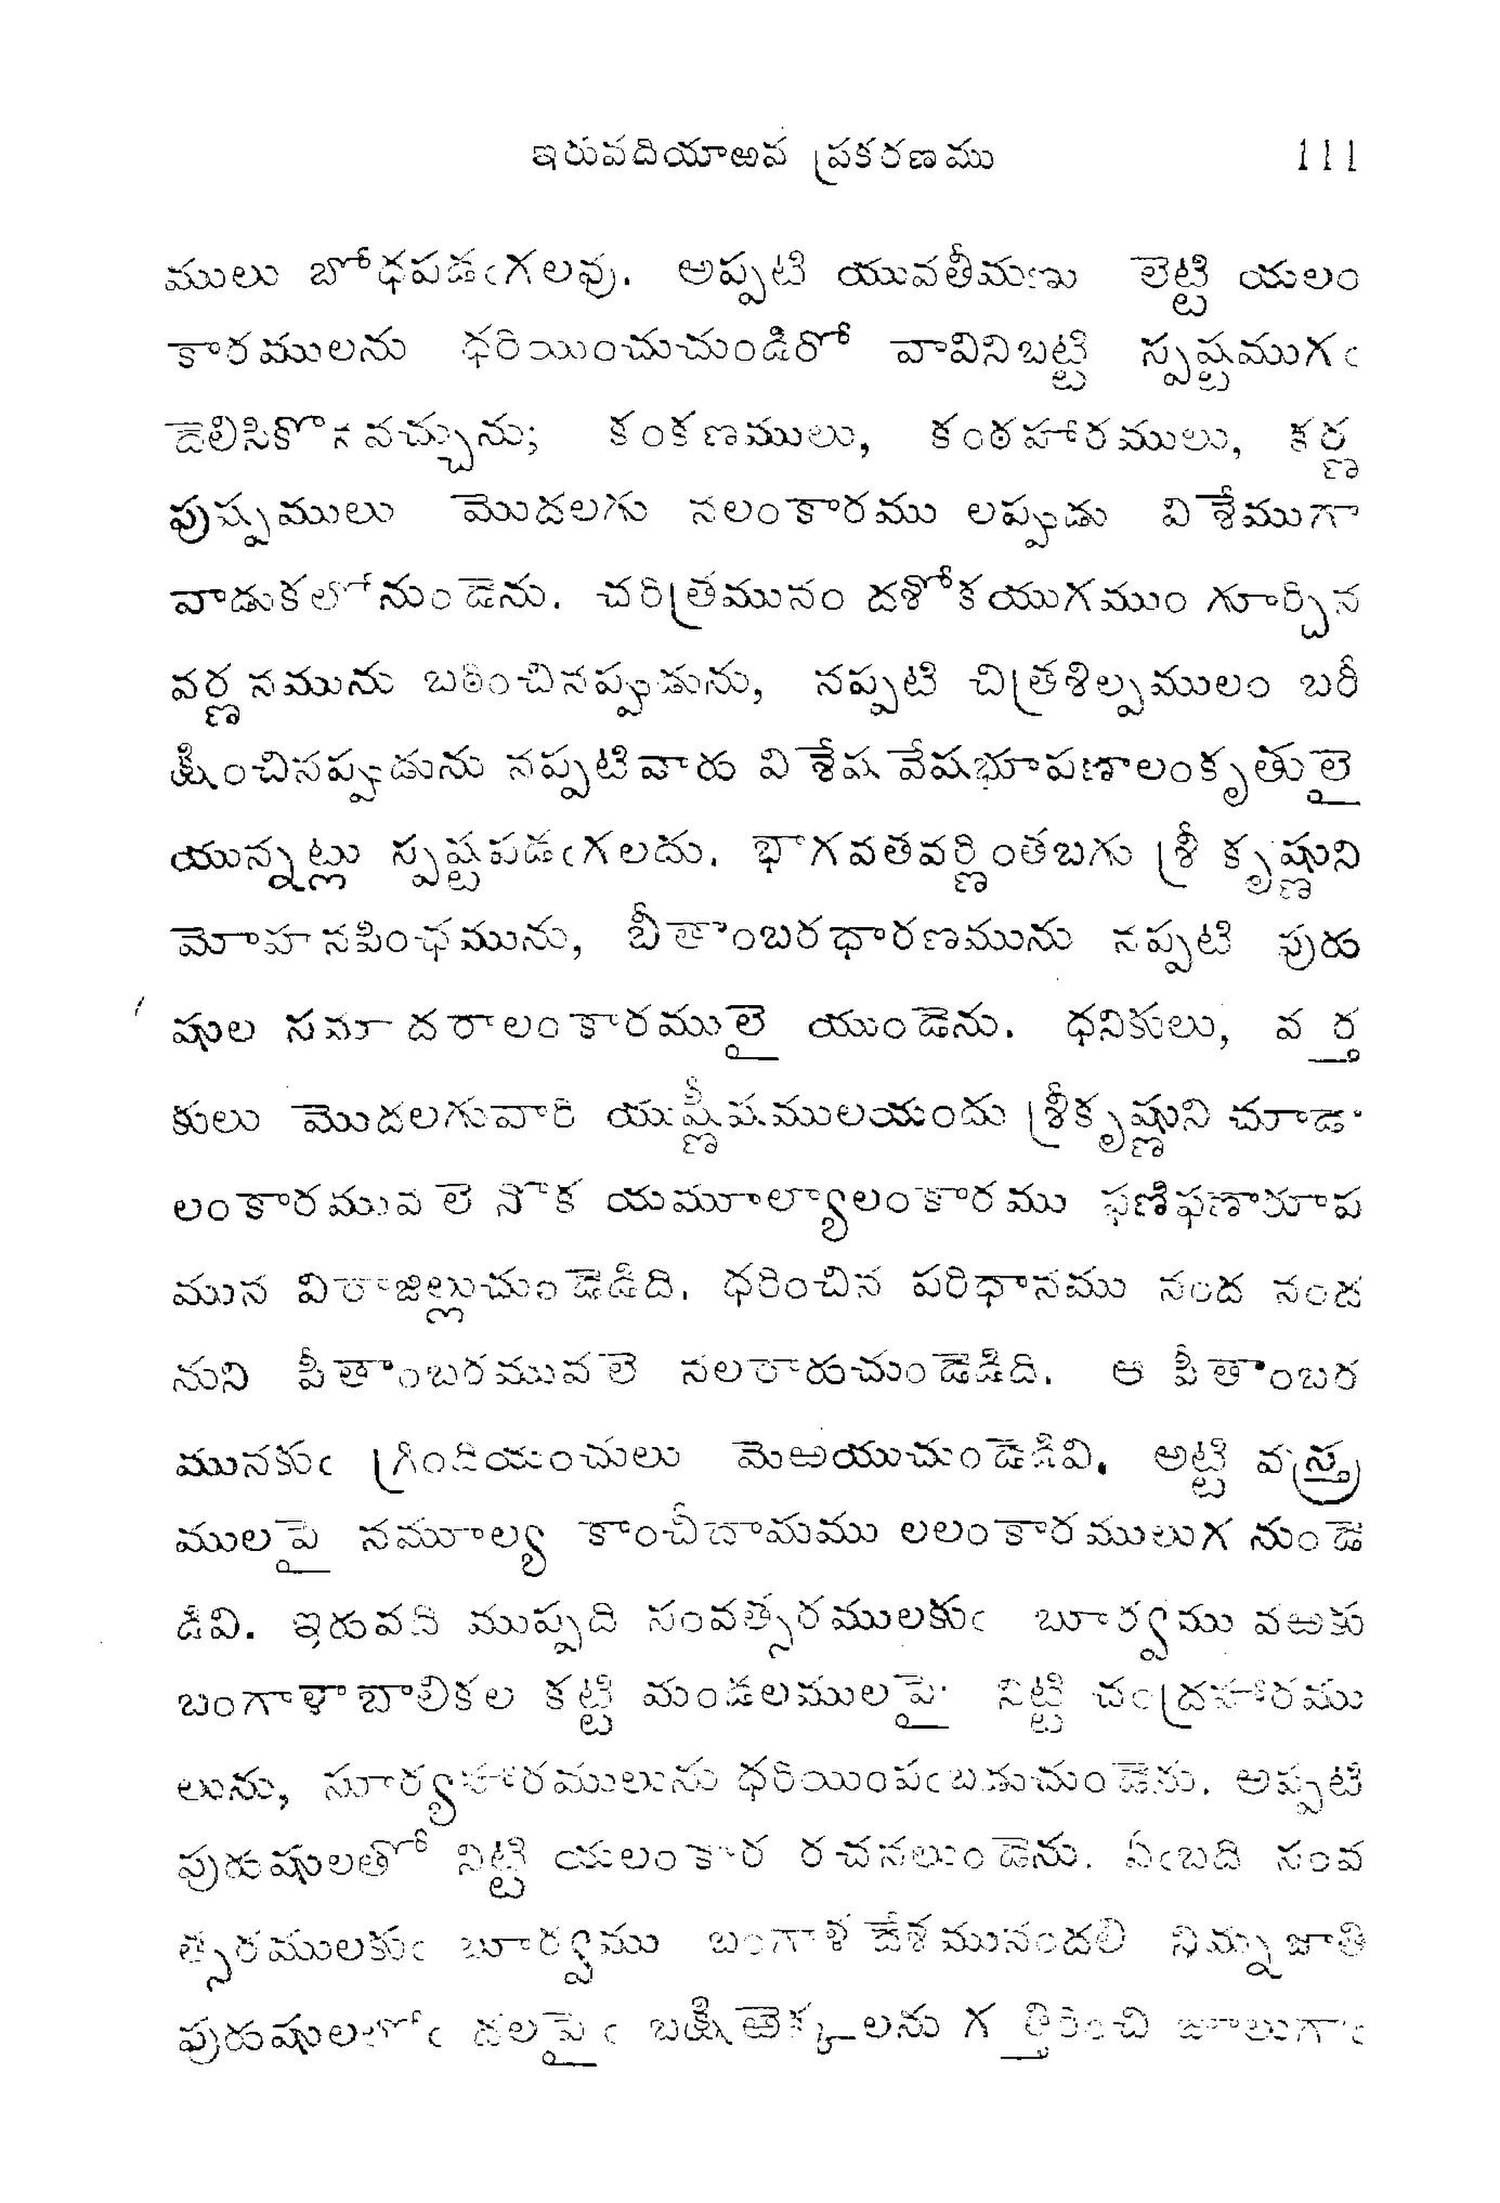ములు బోధపడఁగలవు. అప్పటి యువతీమణు లెట్టి యలంకారములను ధరియించు చుండిరో వావిని బట్టి స్పష్టముగఁ దెలిసికొనవచ్చును; కంకణములు, కంఠహారములు, కర్ణ పుష్పములు మొదలగు నలం కారము లప్పుడు విశేషముగా వాడుకలో నుండెను. చరిత్రమునం దశోక యుగముం గూర్చిన వర్ణనమును బఠించినప్పుడును, నప్పటి చిత్రశిల్పములం బరీ
క్షించినప్పుడును నప్పటి వారు విశేష వేషభూపణాలంకృతులై యున్నట్లు స్పష్టపడగలదు. భాగవతవర్ణింతబగు శ్రీ కృష్ణుని మోహనపింఛమును, బీతాంబర ధారణమును నప్పటి పురుషుల సమాదరాలం కారములై యుండెను. ధనికులు, వర్తకులు మొదలగువారి యుష్ణీషములయందు శ్రీకృష్ణుని చూడాలంకారము వలె నోక యమూల్యాలంకారము ఫణిఫణారూపమున విరాజిల్లు చుండెడిది. ధరించిన పరిధానము నంద నందనుని పీతాంబరమువలె నల రారుచుండెడిది. ఆ పీతాంబరమునకుఁ గ్రిందియంచులు మెఱయుచుండెడివి. అట్టి వస్త్రముల పై నమూల్య 'కాంచీ దామము లలంకారములుగ నుండెడేవి. ఇరువది ముప్పది సంవత్సరములకుఁ బూర్వము వఱకు బంగాళా బాలికల కట్టి మండలముల పై నిట్టి చంద్రహారములును, సూర్య హారములును ధరియింపఁబడుచుండెను. అప్పటి పురుషులతో నిట్టి యలంకార రచన లుండెను. ఏఁబది సంవత్సరములకు, బూర్వము బంగాళ దేశము నందలి నిమ్నజాతి పురుషులలో దలపై బక్షిఱెక్కలను గత్తిరించి జూలుగాఁ